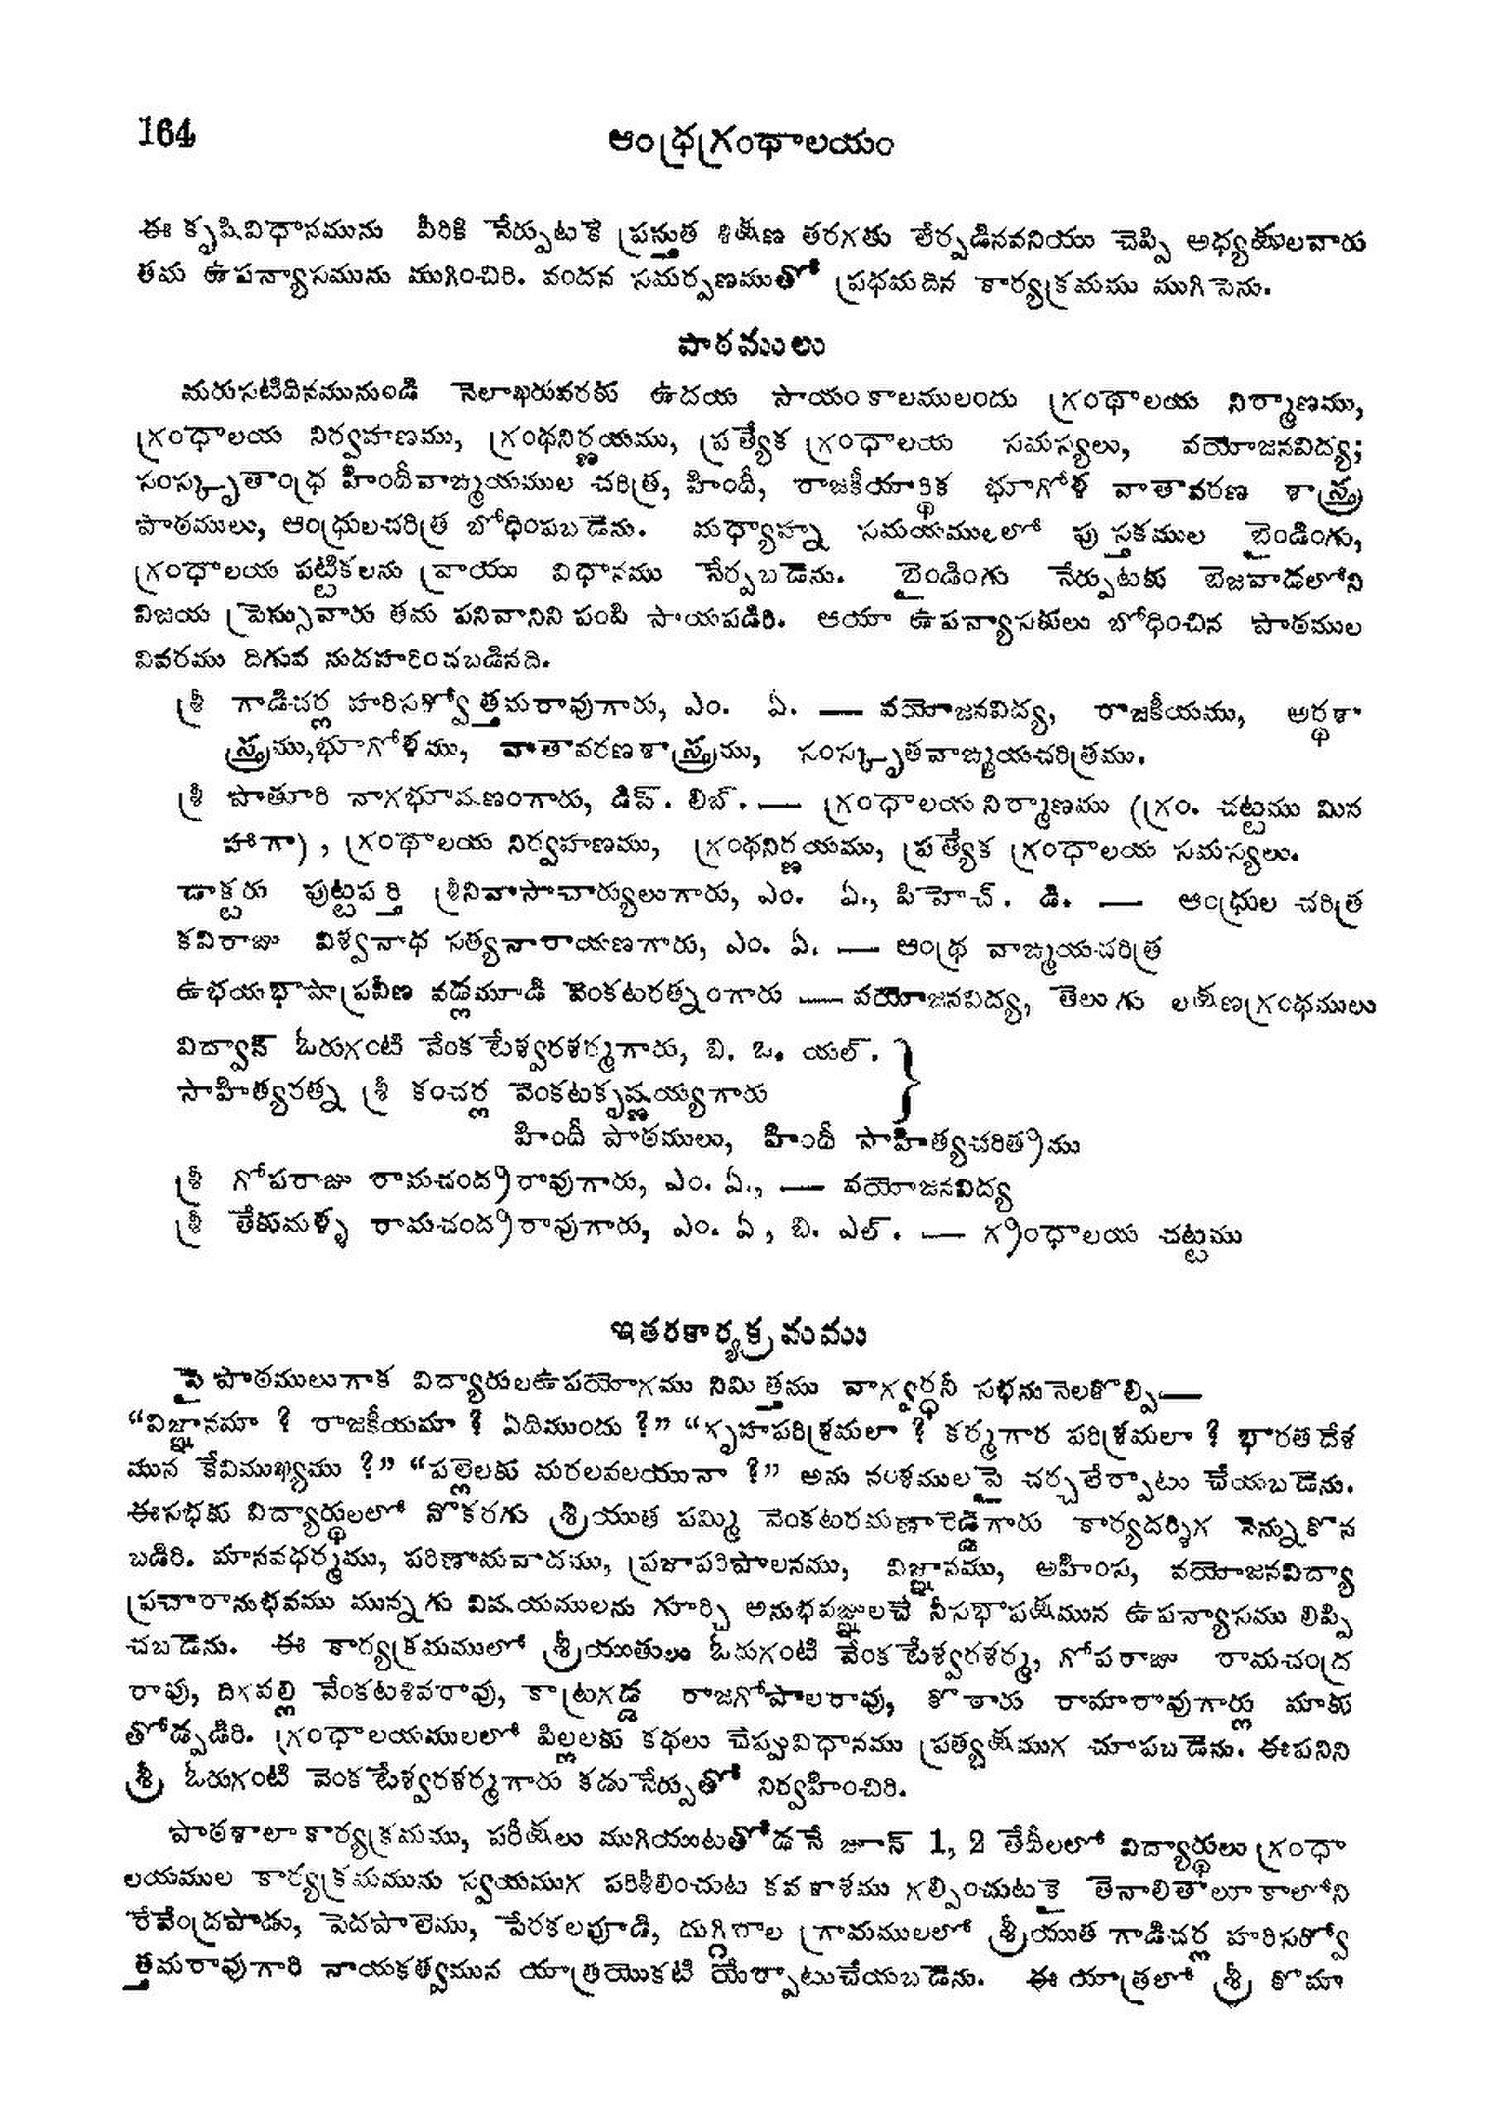164
ఆంధ్రగ్రంథాలయం
ఈ కృషి విధానమును వీరికి నేర్పుటకే ప్రస్తుత శిక్షణ తరగతు లేర్పడినవనియు చెప్పి అధ్యముల వారు
తమ ఉపన్యాసమును ముగించిరి. వందన సమర్పణముతో ప్రధమదిన కార్యక్రమము ముగిసెను.
పాఠములు
మరుసటిదినమునుండి నెలాఖరువరకు ఉదయ సాయంకాలములందు గ్రంథాలయ నిర్మాణము,
గ్రంధాలయ నిర్వహణము, గ్రంథనిర్ణయము, ప్రత్యేక గ్రంధాలయ సమస్యలు, వయోజనవిద్య;
సంస్కృతాంధ్ర హిందీ వాఙ్మయముల చరిత్ర, హిందీ, రాజకీయార్థిక భూగోళ వాతావరణ శాస్త్ర
పాఠములు, ఆంధ్రులచరిత్ర బోధింపబడెను. మధ్యాహ్న సమయములలో పుస్తకముల బైండింగు,
గ్రంధాలయ పట్టికలను వ్రాయు విధానము నేర్పబడెను. బెండింగు నేర్పుటకు బెజవాడలోని
విజయ ప్రెస్సువారు తమ పనివానిని పంపి సాయపడిరి. ఆయా ఉపన్యాసకులు బోధించిన పాఠముల
వివరము దిగువ నుదహరించబడినది.

గాడిచర్ల హరిసర్వోత్తమరావుగారు, ఎం. ఏ.- వయోజనవిద్య, రాజకీయము, అర్థశాస్త్రము, భూగోళము, వాతావరణశాస్త్రము, సంస్కృత వాఙ్మయచరిత్రము
శ్రీ పాతూరి నాగభూషణంగారు, డిస్. లిబ్. - గ్రంధాలయ నిర్మాణము (గ్రం. చట్టము మినహాగా), గ్రంథాలయ నిర్వహణము, గ్రంథనిర్ణయము, ప్రత్యేక గ్రంథాలయ సమస్యలు.
డాక్టరు పుట్టపర్తి శ్రీనివాసాచార్యులుగారు, ఎం.ఏ., పిహెచ్.డి. - ఆంధ్రుల చరిత్ర 
కవిరాజు విశ్వనాధ సత్యనారాయణగారు, ఎం.ఏ.- ఆంధ్ర వాఙ్మయచరిత్ర, 
ఉభయభాషా ప్రవీణ వడ్లమూడి వెంకటరత్నంగారు- వయోజన విద్య, తెలుగు లక్షణ గ్రంధములు 
విద్వాన్ ఓరుగంటి వేంక టేశ్వరశర్మ గారు, బి.ఒ.యల్. సాహిత్యరత్న 
శ్రీ కంచర్ల వెంకటకృష్ణయ్య గారు - హిందీ పాఠములు, హిందీ సాహిత్యచరిత్రము 
వయోజన విద్యశ్రీ గోపరాజు రామచంద్ర రావుగారు, ఎం. ఏ.- వయోజనవిద్య 
తేకుమళ్ళ రామచంద్ర రావు గారు, ఎం. ఏ, బి. ఎల్. - గ్రంధాలయ చట్టము 

పై పాఠములుగాక విద్యారుల ఉపయోగము నిమిత్తము వాగ్వర్ధనీ సభను నెలకొల్పి —

“విజ్ఞానమా ? రాజకీయమా? ఏదిముందు "గృహపరిశ్రమలా ? కర్మగార పరిశ్రమలా ? భారత దేశమున కేవిముఖ్యము? "పల్లెలకు మరలవలయునా?” అను నంశములపై చర్చలేర్పాటు చేయబడెను. ఈసభకు విద్యార్థులలో నొకరగు శ్రీయుత పమ్మి 
వెంకటరమణారెడ్డిగారు కార్యదర్శిగ నెన్నుకొనబడిరి. మానవధర్మము, పరిణామవాదము, ప్రజాపరిపాలనము, విజ్ఞానము, అహింస, వయోజనవిద్యా ప్రచారానుభవము మున్నగు విషయములను గూర్చి అనుభవజ్ఞులచే నీ సభాపక్షమున ఉపన్యాసము 
లిప్పిచబడెను. ఈ కార్యక్రమములో శ్రీయుతులు ఓరుగంటి వేంకటేశ్వరశర్మ, గోపరాజు రామచంద్రరావు, దిగవల్లి వేంకటశివరావు,
కాట్రగడ్డ రాజగోపాలరావు, కొఠారు రామారావుగార్లు తోడ్పడిరి. గ్రంథాలయములలో పిల్లలకు కథలు చెప్పువిధానము ప్రత్యక్షముగ చూపబడెను. ఈపనిని శ్రీ ఓరుగంటి వెంకటేశ్వరశర్మగారు కడునేర్పుతో నిర్వహించిరి.

పాఠశాలా కార్యక్రమము, పరీక్షలు ముగియుటతోడనే జూన్ 1, 2 తేదీలలో విద్యార్థులు గ్రంధాలయముల కార్యక్రమమును 
స్వయముగ పరిశీలించుట కవకాశము గల్పించుటకై తెనాలి తాలూకాలోని రేవేంద్రపాడు, పెదపాలెము, పేరకలపూడి, 
దుగ్గిరాల గ్రామములలో శ్రీయుత గాడిచర్ల హరిసర్వోతమరావుగారి నాయకత్వమున యాత్రయొకటి యేర్పాటుచేయబడెను. 
ఈ యాత్రలో శ్రీ కొమా